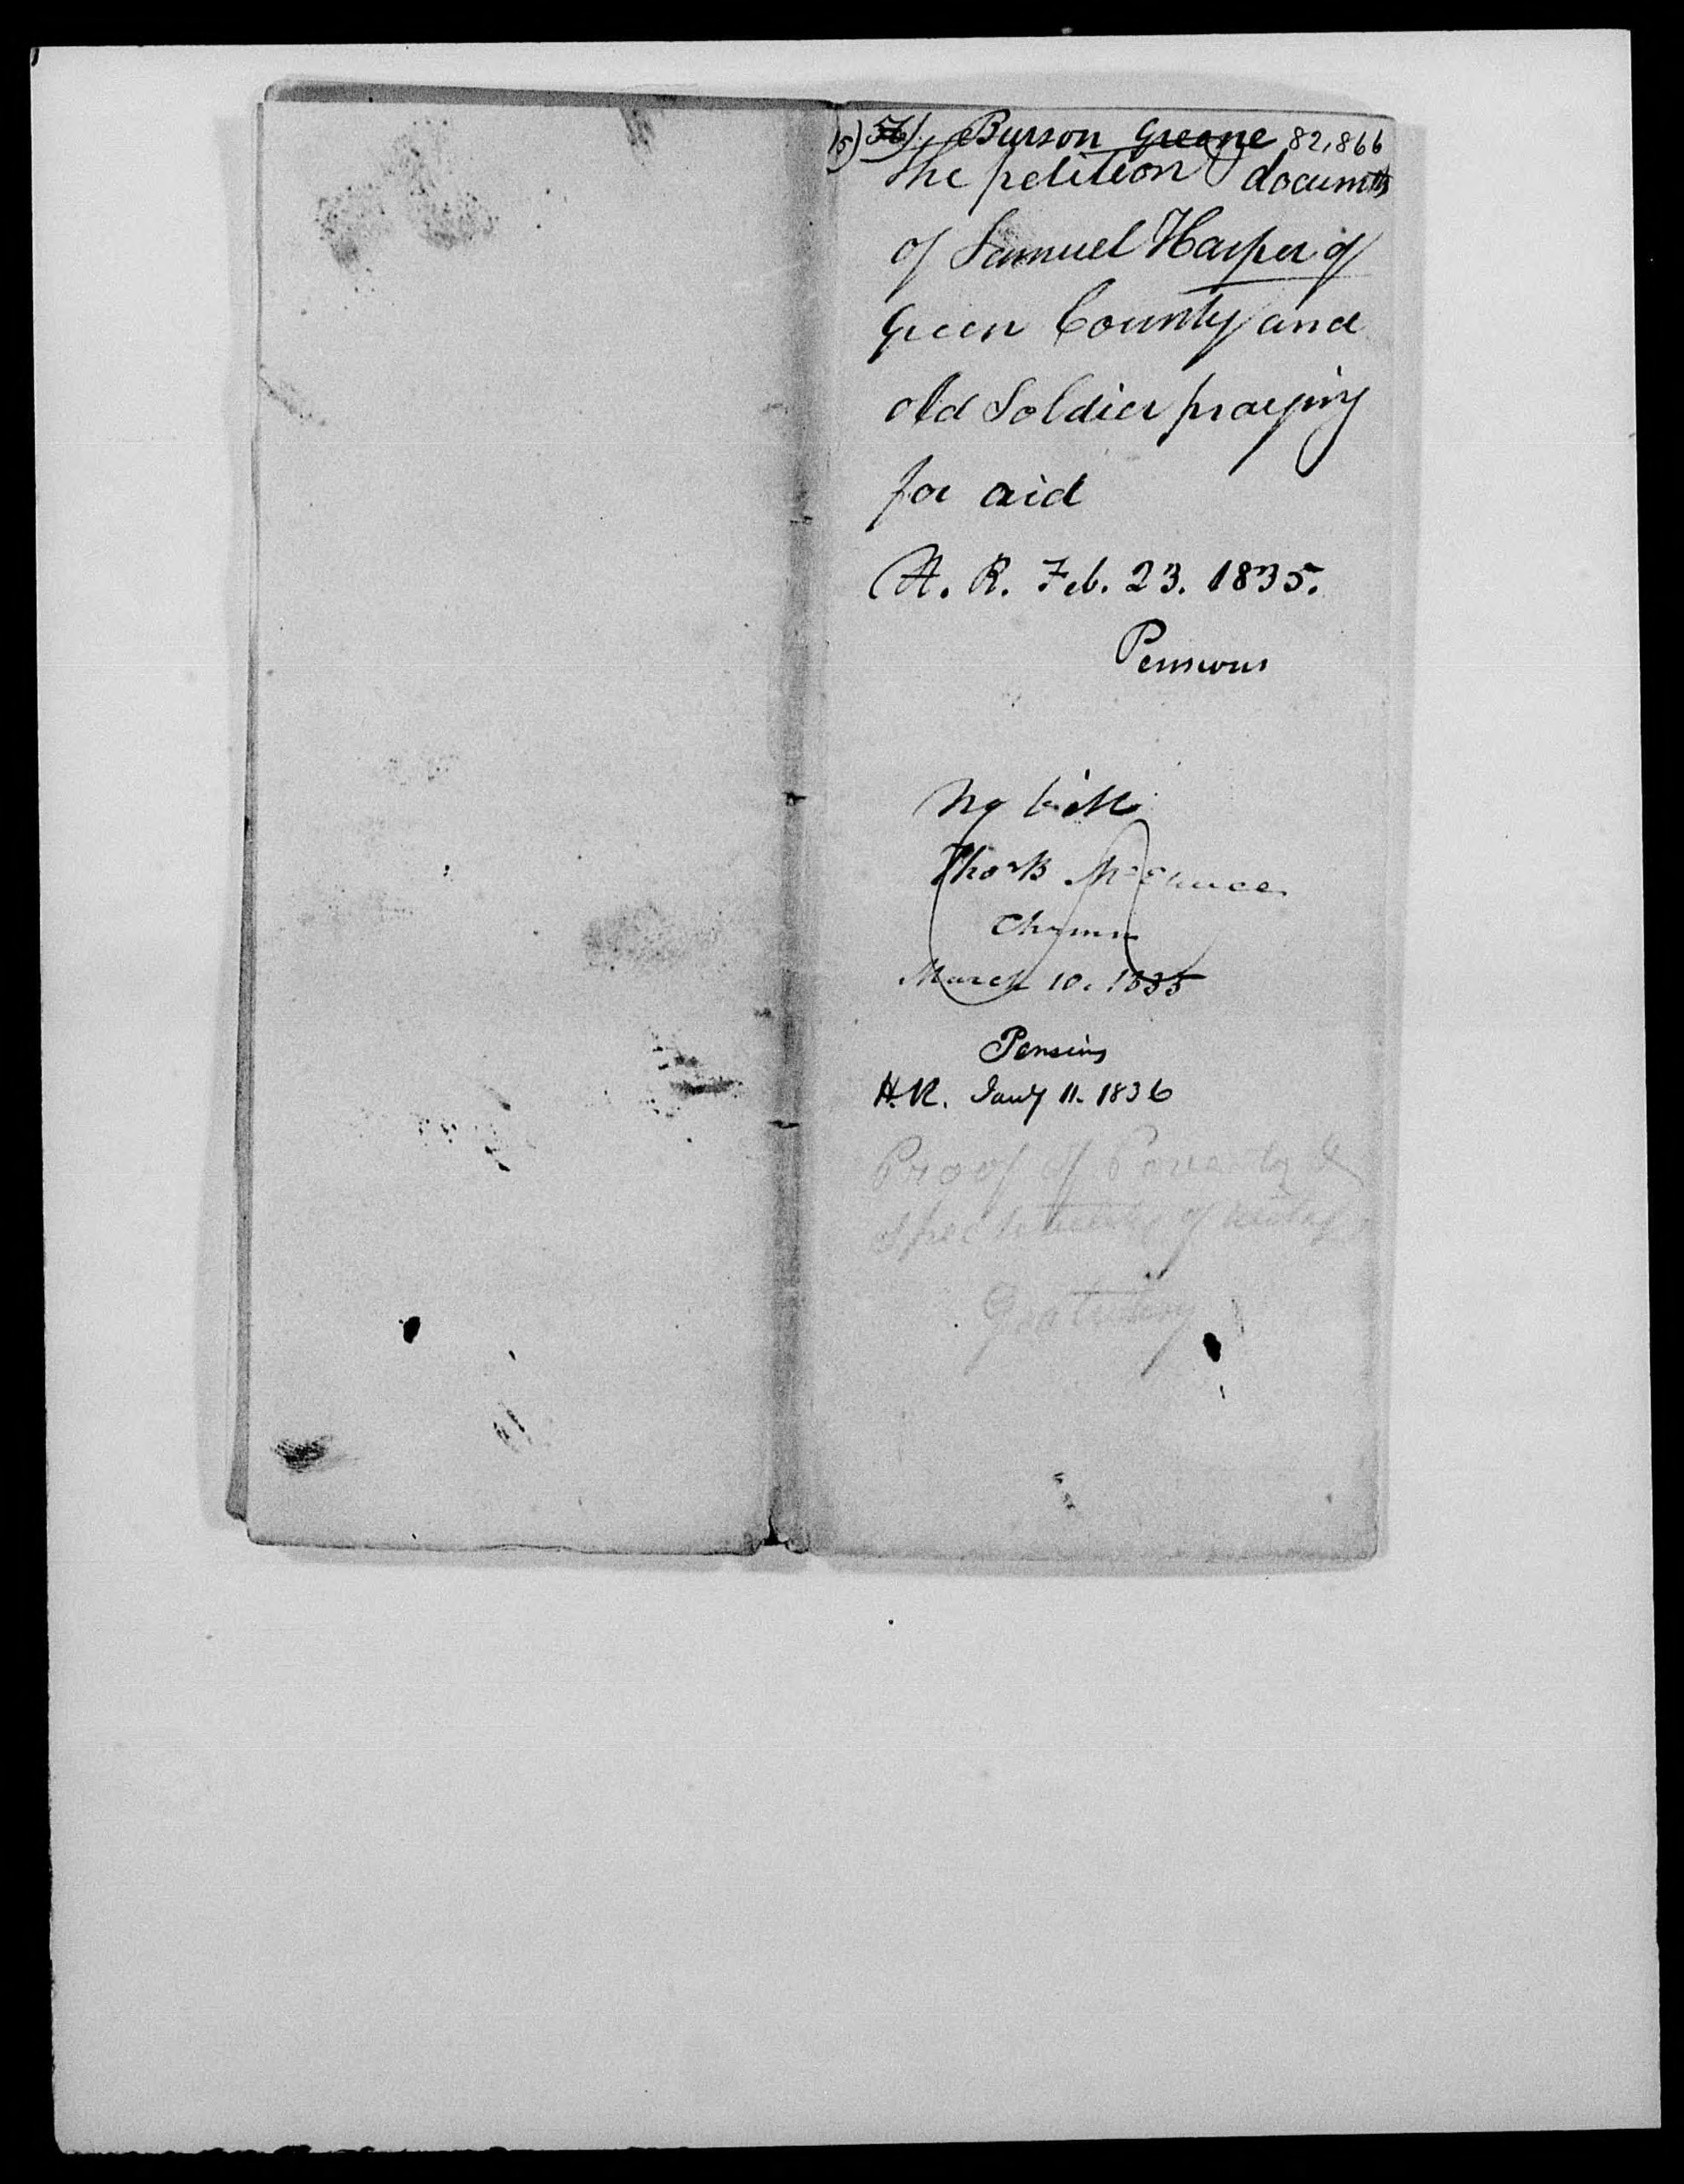15) Burson Greane

The petition document
of Samuel Harper of
Green County and
old soldier praying
for aid

A. R. Feb. 23. 1835
[    ]
Thomas B ?
?
March 10, 1835
Pension
H.R.  May 11. 1836

Proof of poverty &
?  of  ?
?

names: Samuel Harper, Greene, Burson, Thos B Mc Elwee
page: 78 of 81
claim: survivor's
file: S. 1908, Richard Harper, N.C.